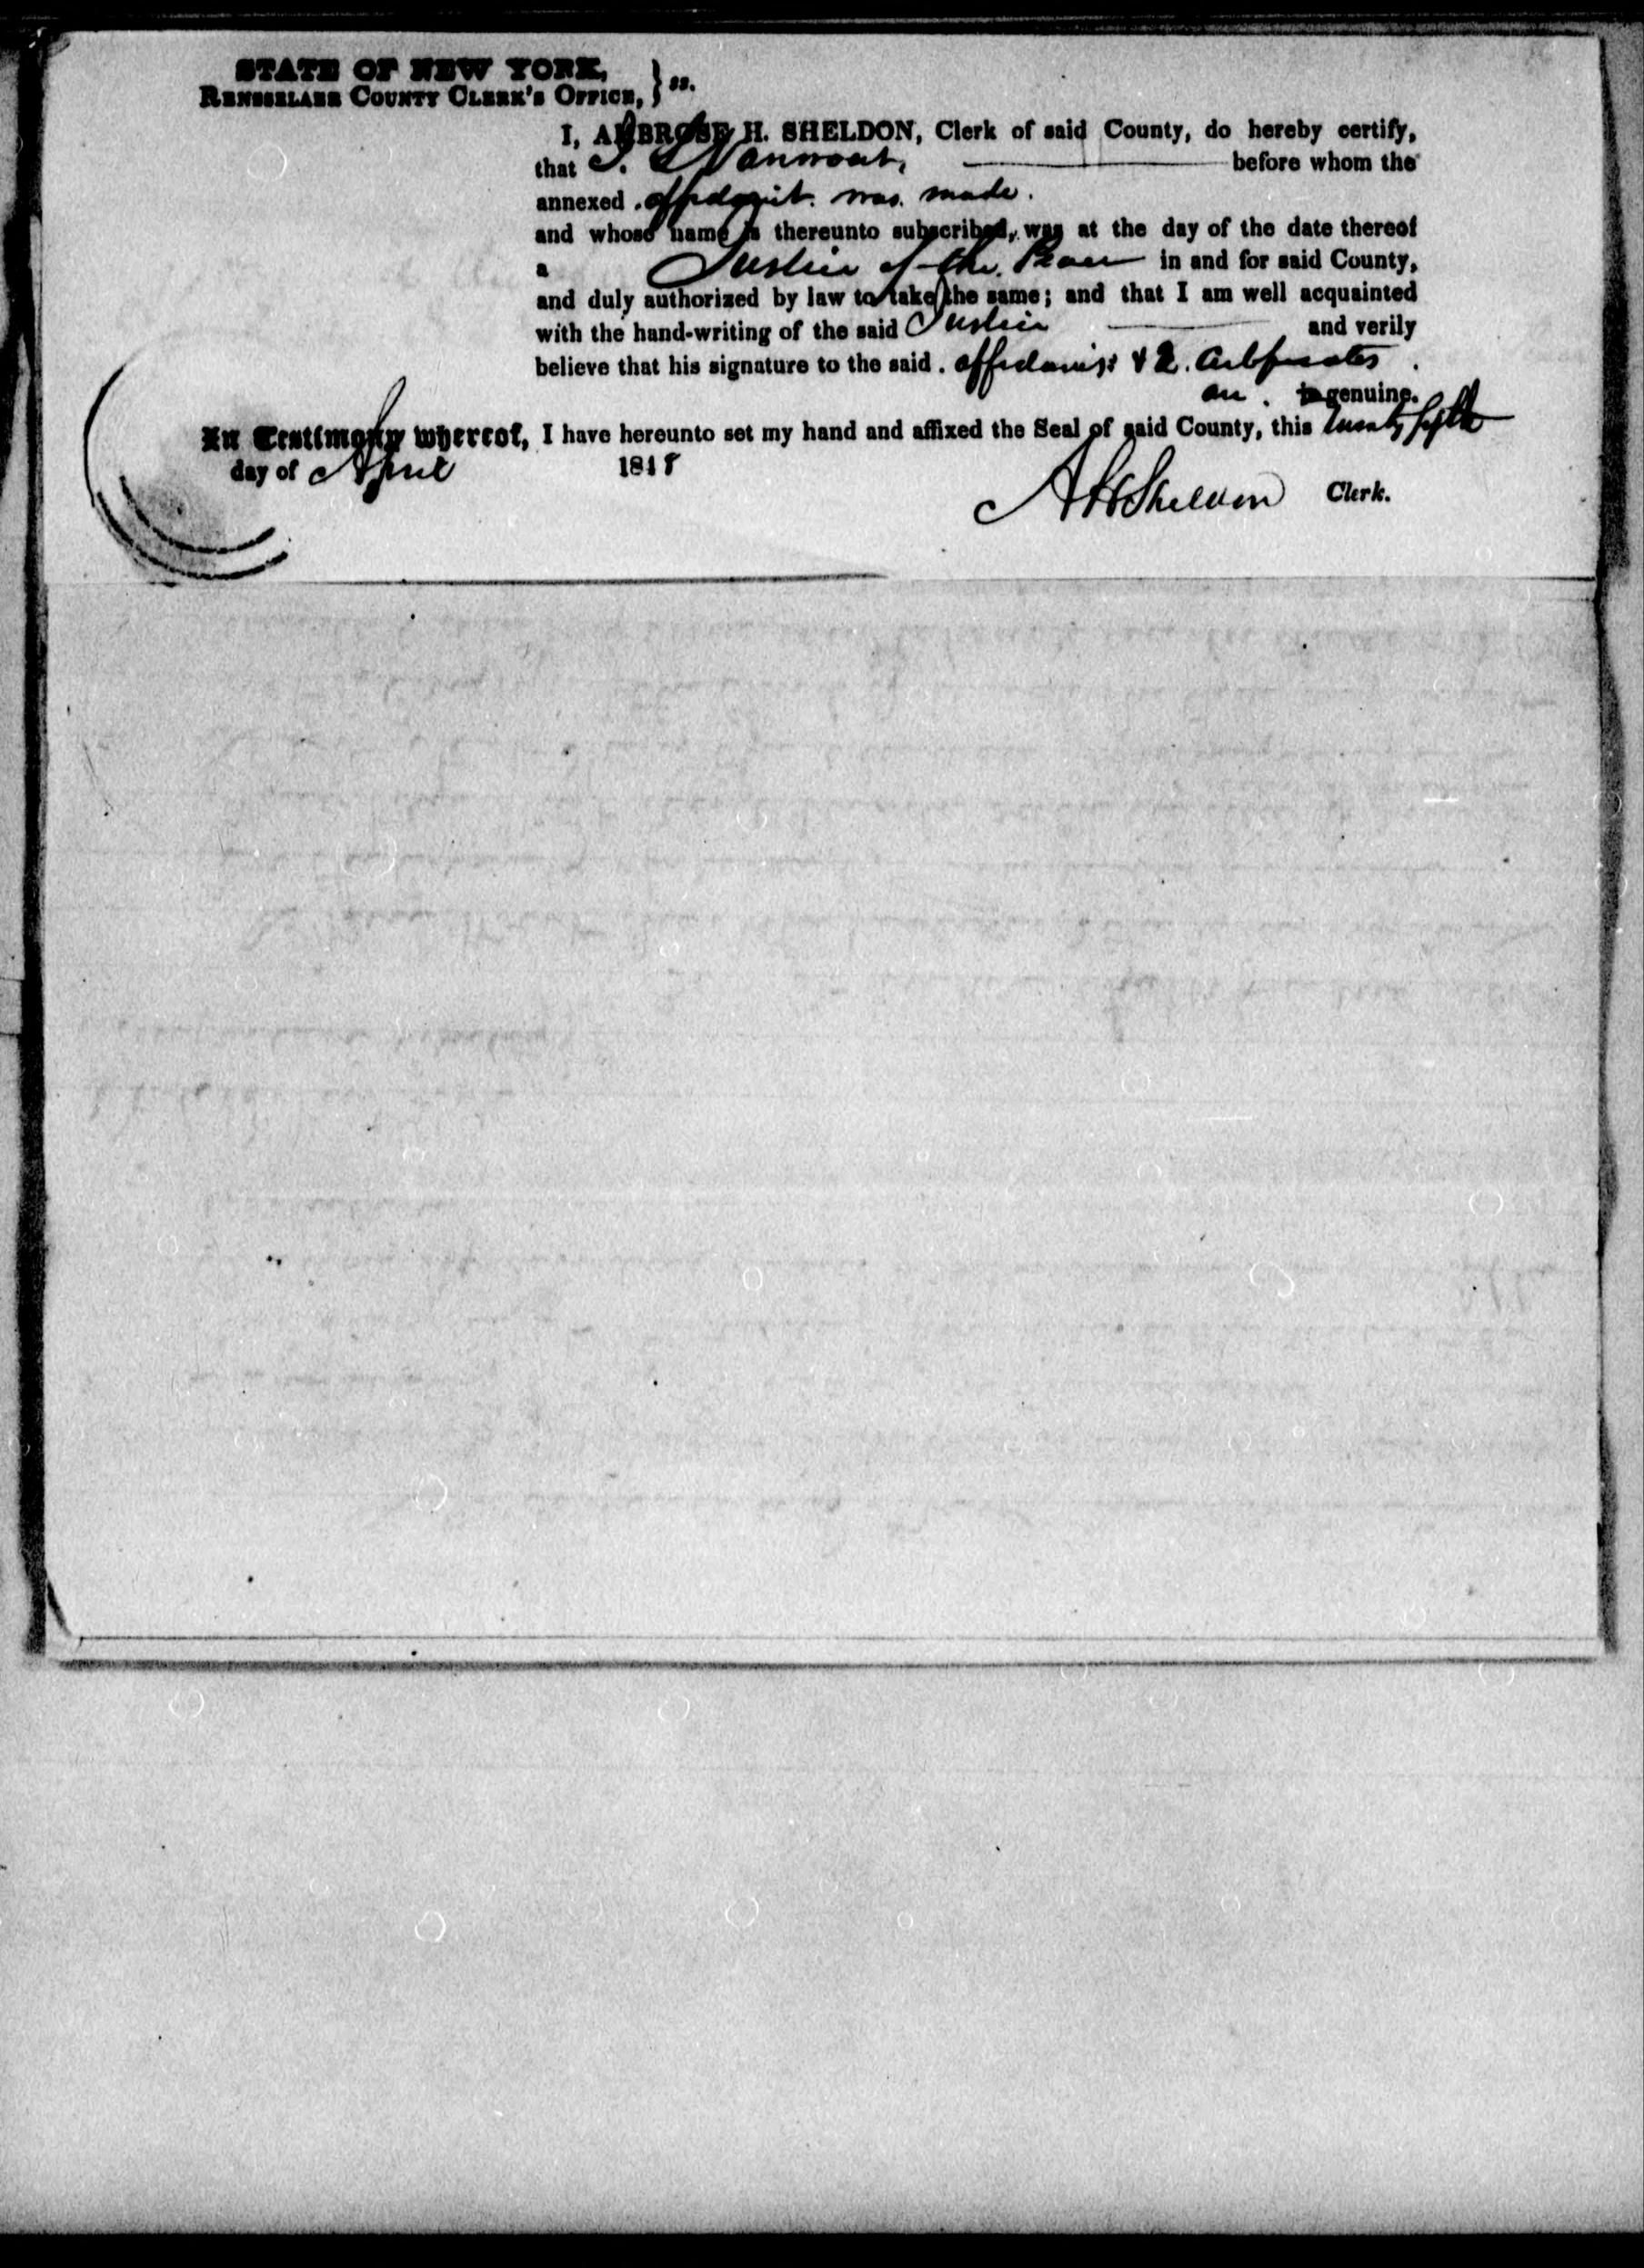State of New York
Rensselaer County Clerk’s Office } ss.
I, AMBROSE H. SHELDON, Clerk of said County, do hereby certify, that J. L Vanwoert, before whom the annexed affidavit was made. and whose name thereunto subscribed, was at the day of the date thereof a Justice of the Peace in and for said County, and duly authorized by law to the same; and that I am well acquainted with the hand-writing of the said Justice and verily believe that his signature to the said affidavits & 2 [illegible, poss. Artifacts] are genuine.
In Testimony whereof, I have hereunto set my hand and affixed the Seal of said County, this twenty fifth of April 1848
[signed] A H Sheldon  Clerk.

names: A H Sheldon, J L Vanwoert, Ambrose H Sheldon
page: 100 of 102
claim: widow's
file: W. 18239, Isaac Van Wart, New York